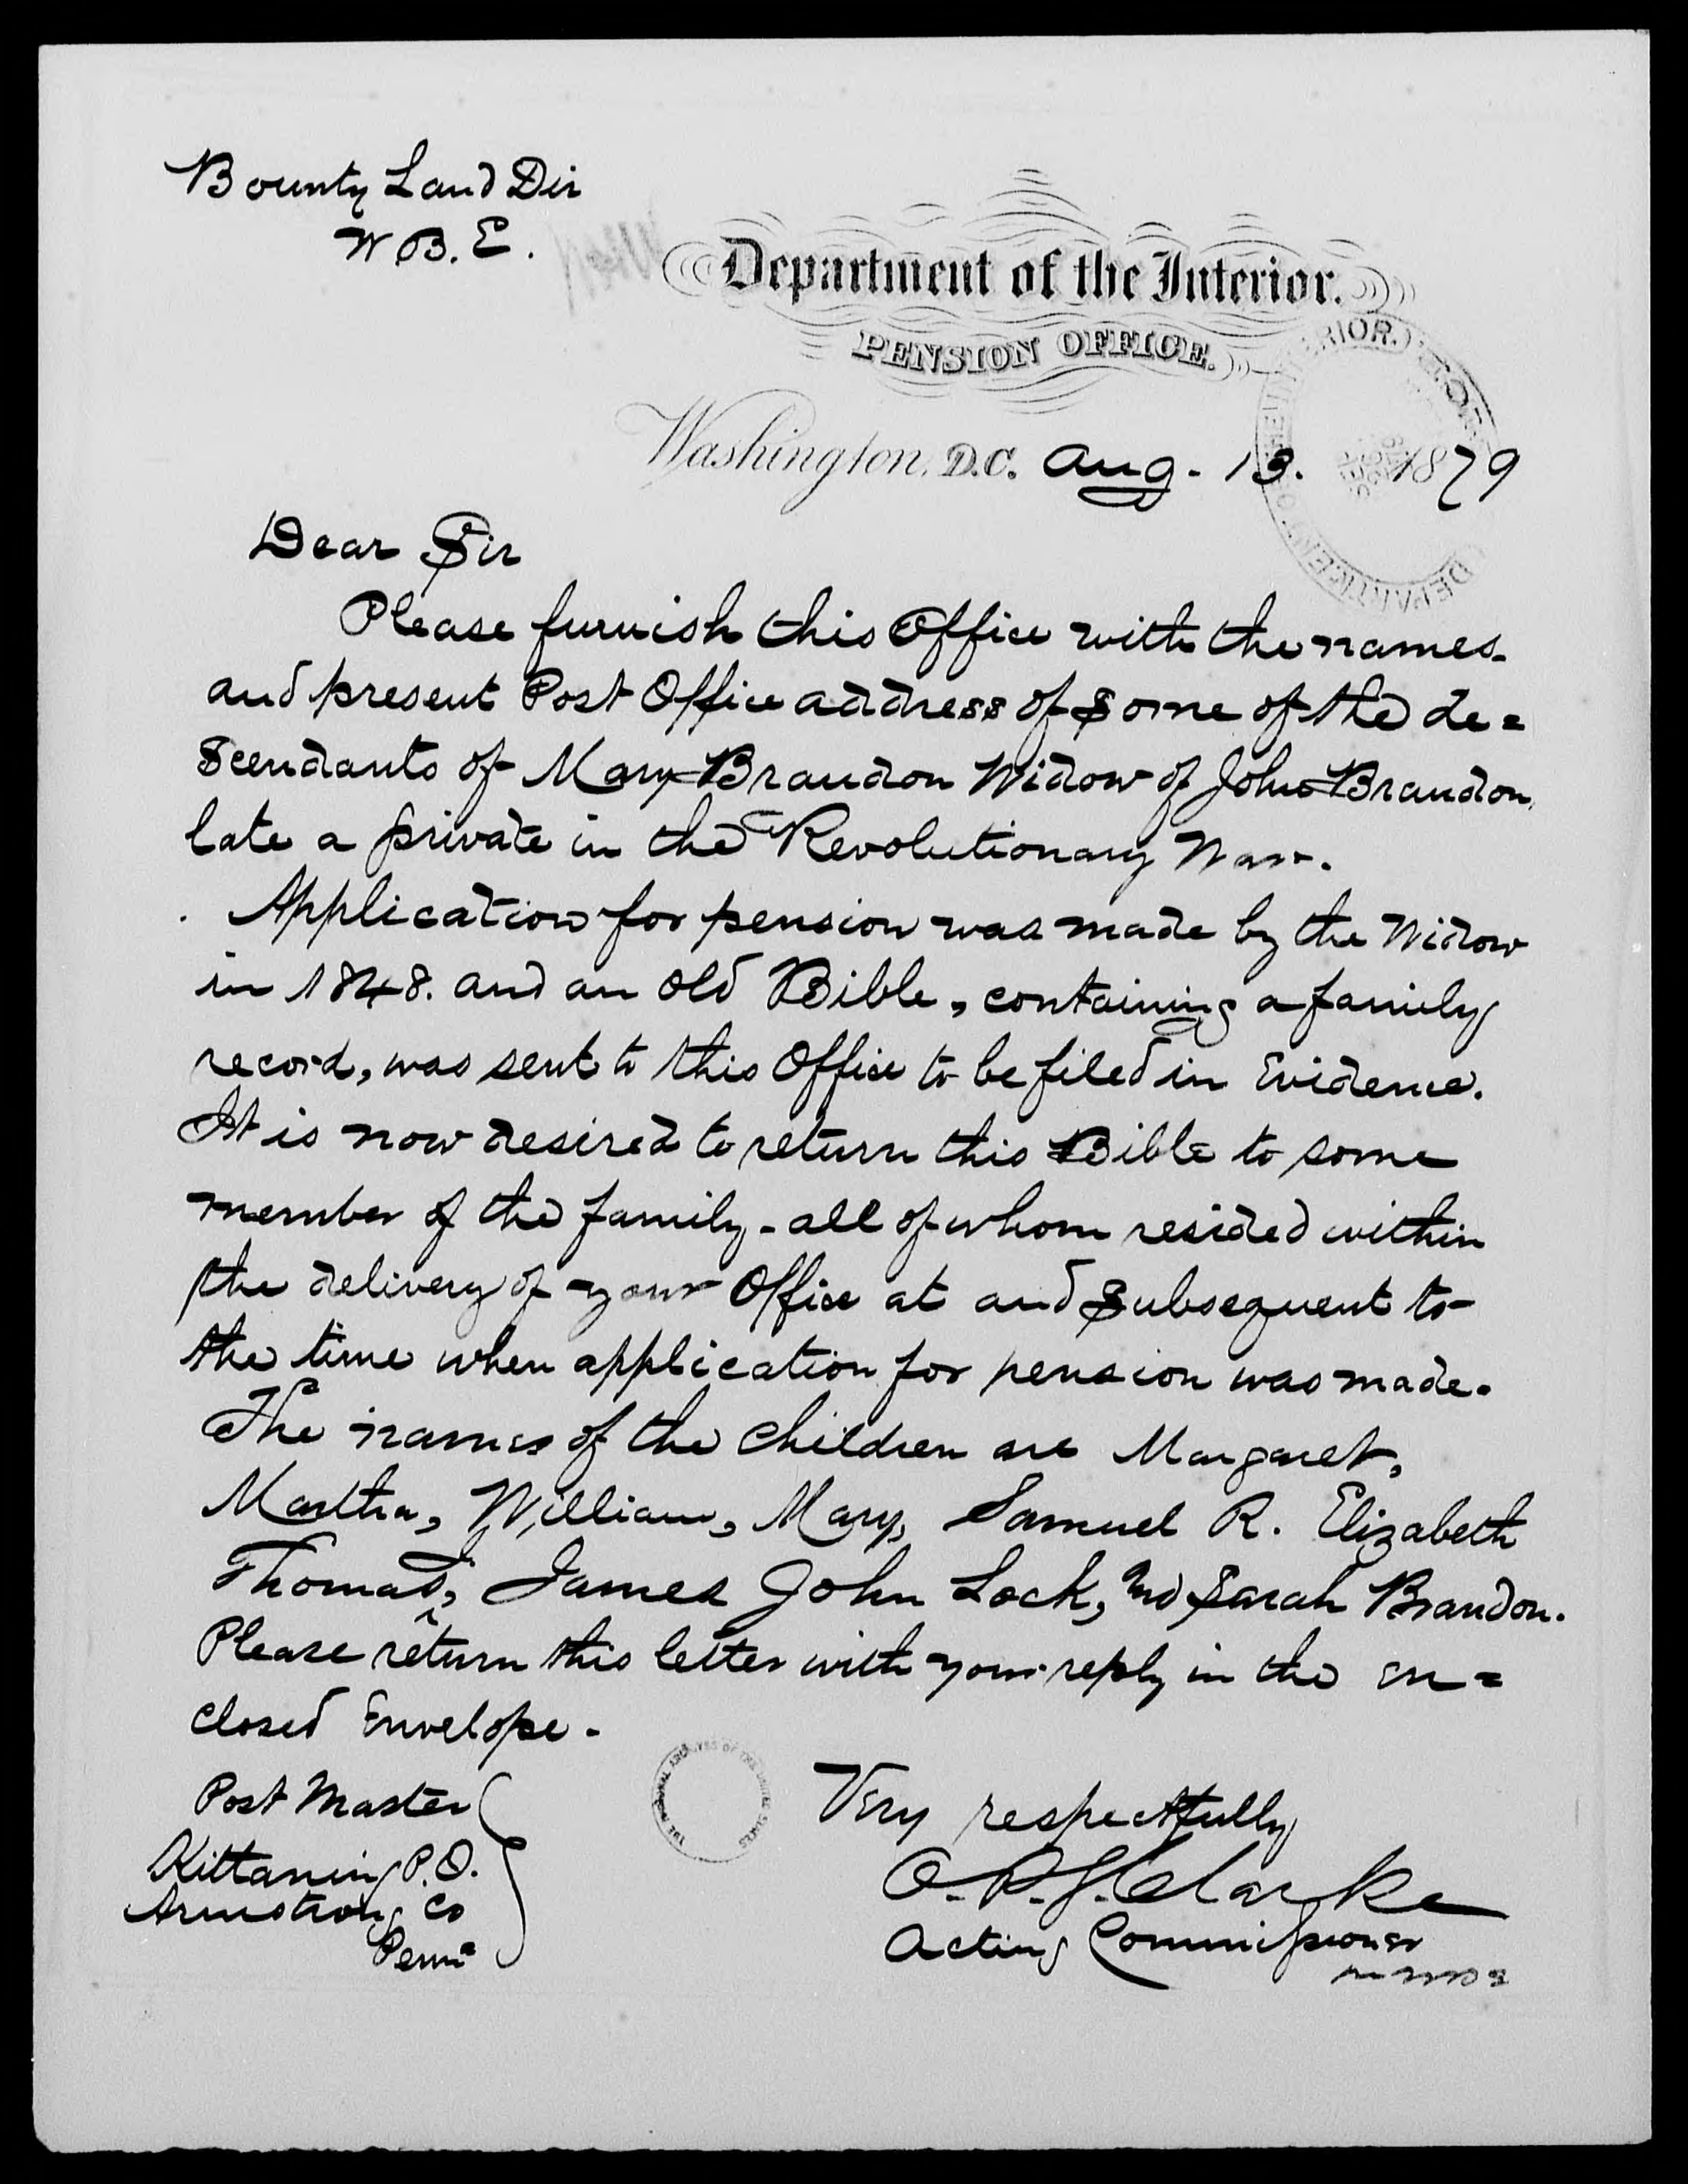Bounty Land Dir
W.B.E.

Department of the Interior.
PENSION OFFICE.
Washington, D.C. Aug. 13. 1879

[stamp]
DEPARTMENT OF THE INTERIOR.
SEP 26 1879
PENSION OFFICE.

Dear Sir
Please furnish this Office with the names and present Post Office address of some of the descendants of Mary Brandon Widow of John Brandon late a private in the Revolutionary War.
Application for pension was made by the Widow in 1848 and an old Bible, containing a family record, was sent to this Office to be filed in Evidence. It is now desired to return this Bible to some member of the family- all of whom resided within the delivery of your Office at and Subsequent to the time when application for pension was made. The names of the children are Margaret, Martha, William, Mary, Samuel R. Elizabether Thomas, James John Lock, and Sarah Brandon. Please return the letter with your reply in the enclosed Envelope.
Very respectfully
O.P.S. Clarke
Acting Commissioner
per WDE(?)

[stamp]
THE NATIONAL ARCHIVES OF THE UNITED STATES

Post Master
Kittanning P.O.
Armstrong Co
Penna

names: Thomas, William, Elizabeth, O P S Clarke, Samuel R, James, Margaret, Martha, Mary Brandon, Mary, Sarah Brandon, John Lock, John Brandon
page: 16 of 83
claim: widow's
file: W. 5946, John Brandon, Penn